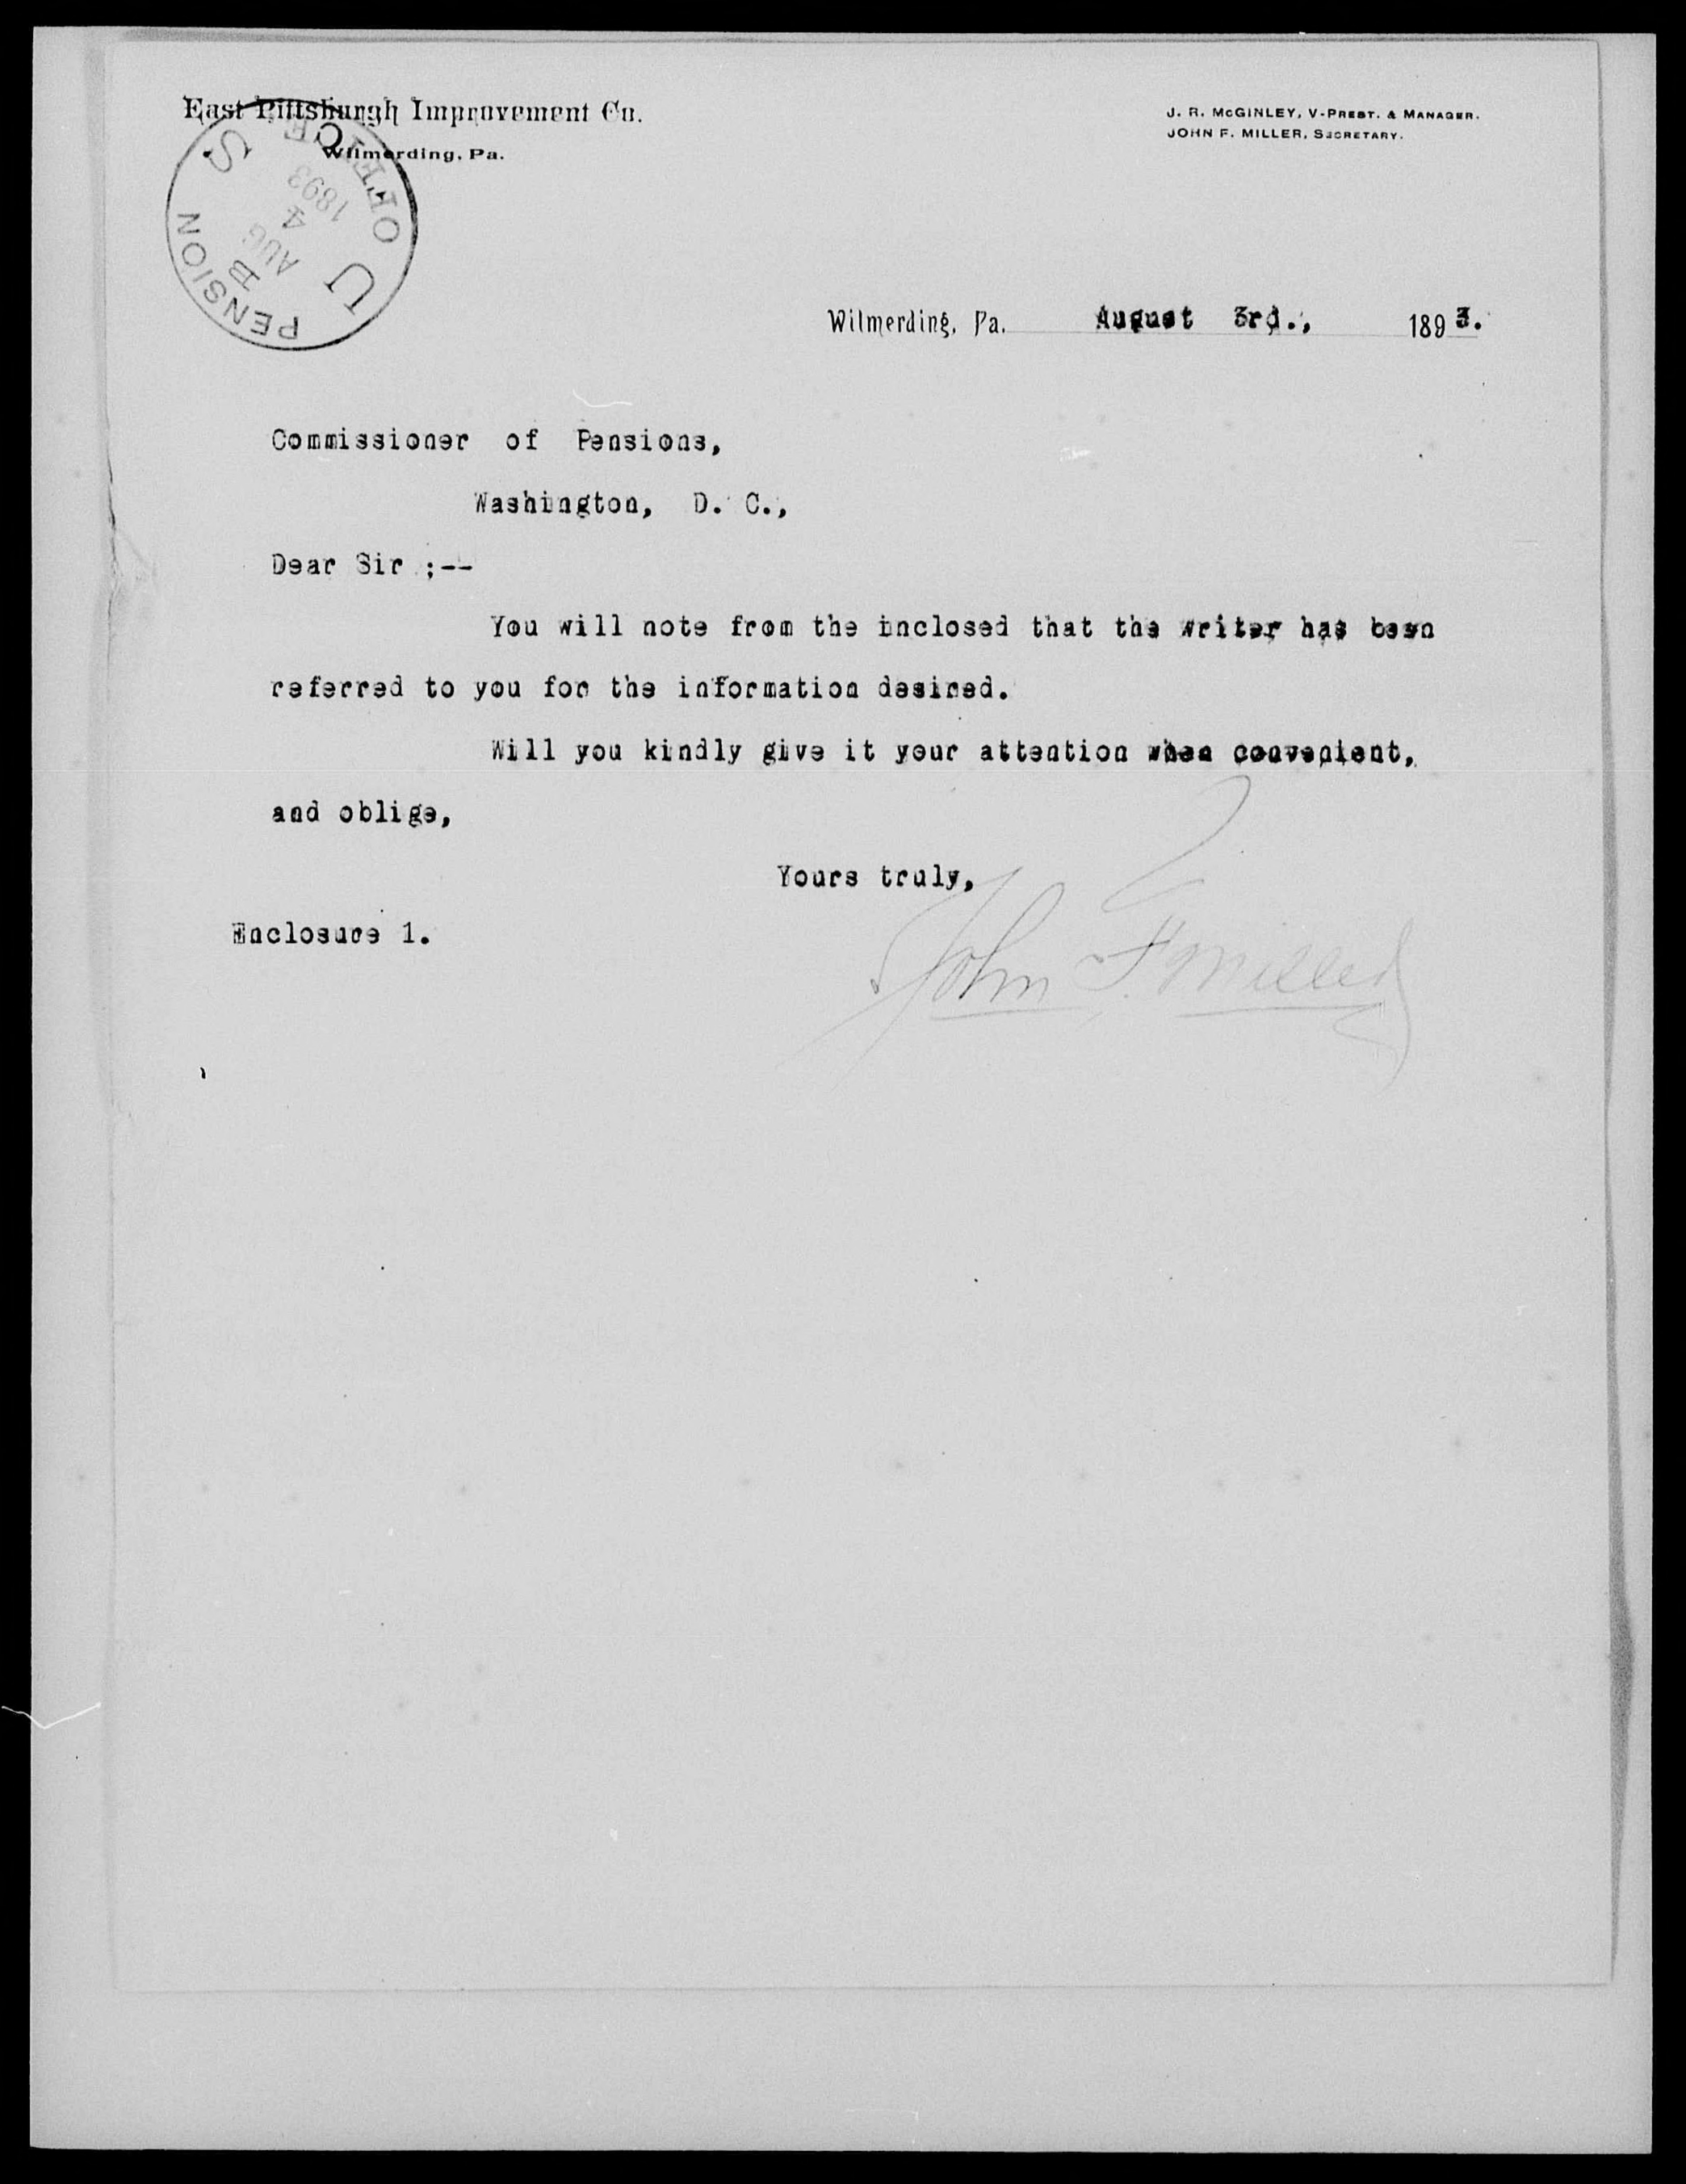AST PITTSBURGH IMPROVEMENT CO.
Wilmerding, Pa

J.R. McGinley, V. Prest. & Manager
John F. Miller, Secretary

Wilmerding, Pa.  August 3rd, 1893

Commissioner of Pensions,
Washington, D.C.,

Dear Sir: --

You will note from the inclosed that the writer has been referred to you for the information desired.

Will you kindly give it your attention when convenient, and oblige,

Yours truly,

John F. Miller

Enclosure 1.

[file stamped US PENSION OFFICE Aug 4 1893]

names: J R Mc Ginley; John F Miller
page: 20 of 20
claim: survivor's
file: S. 36129, for Noah Miller, New Jersey